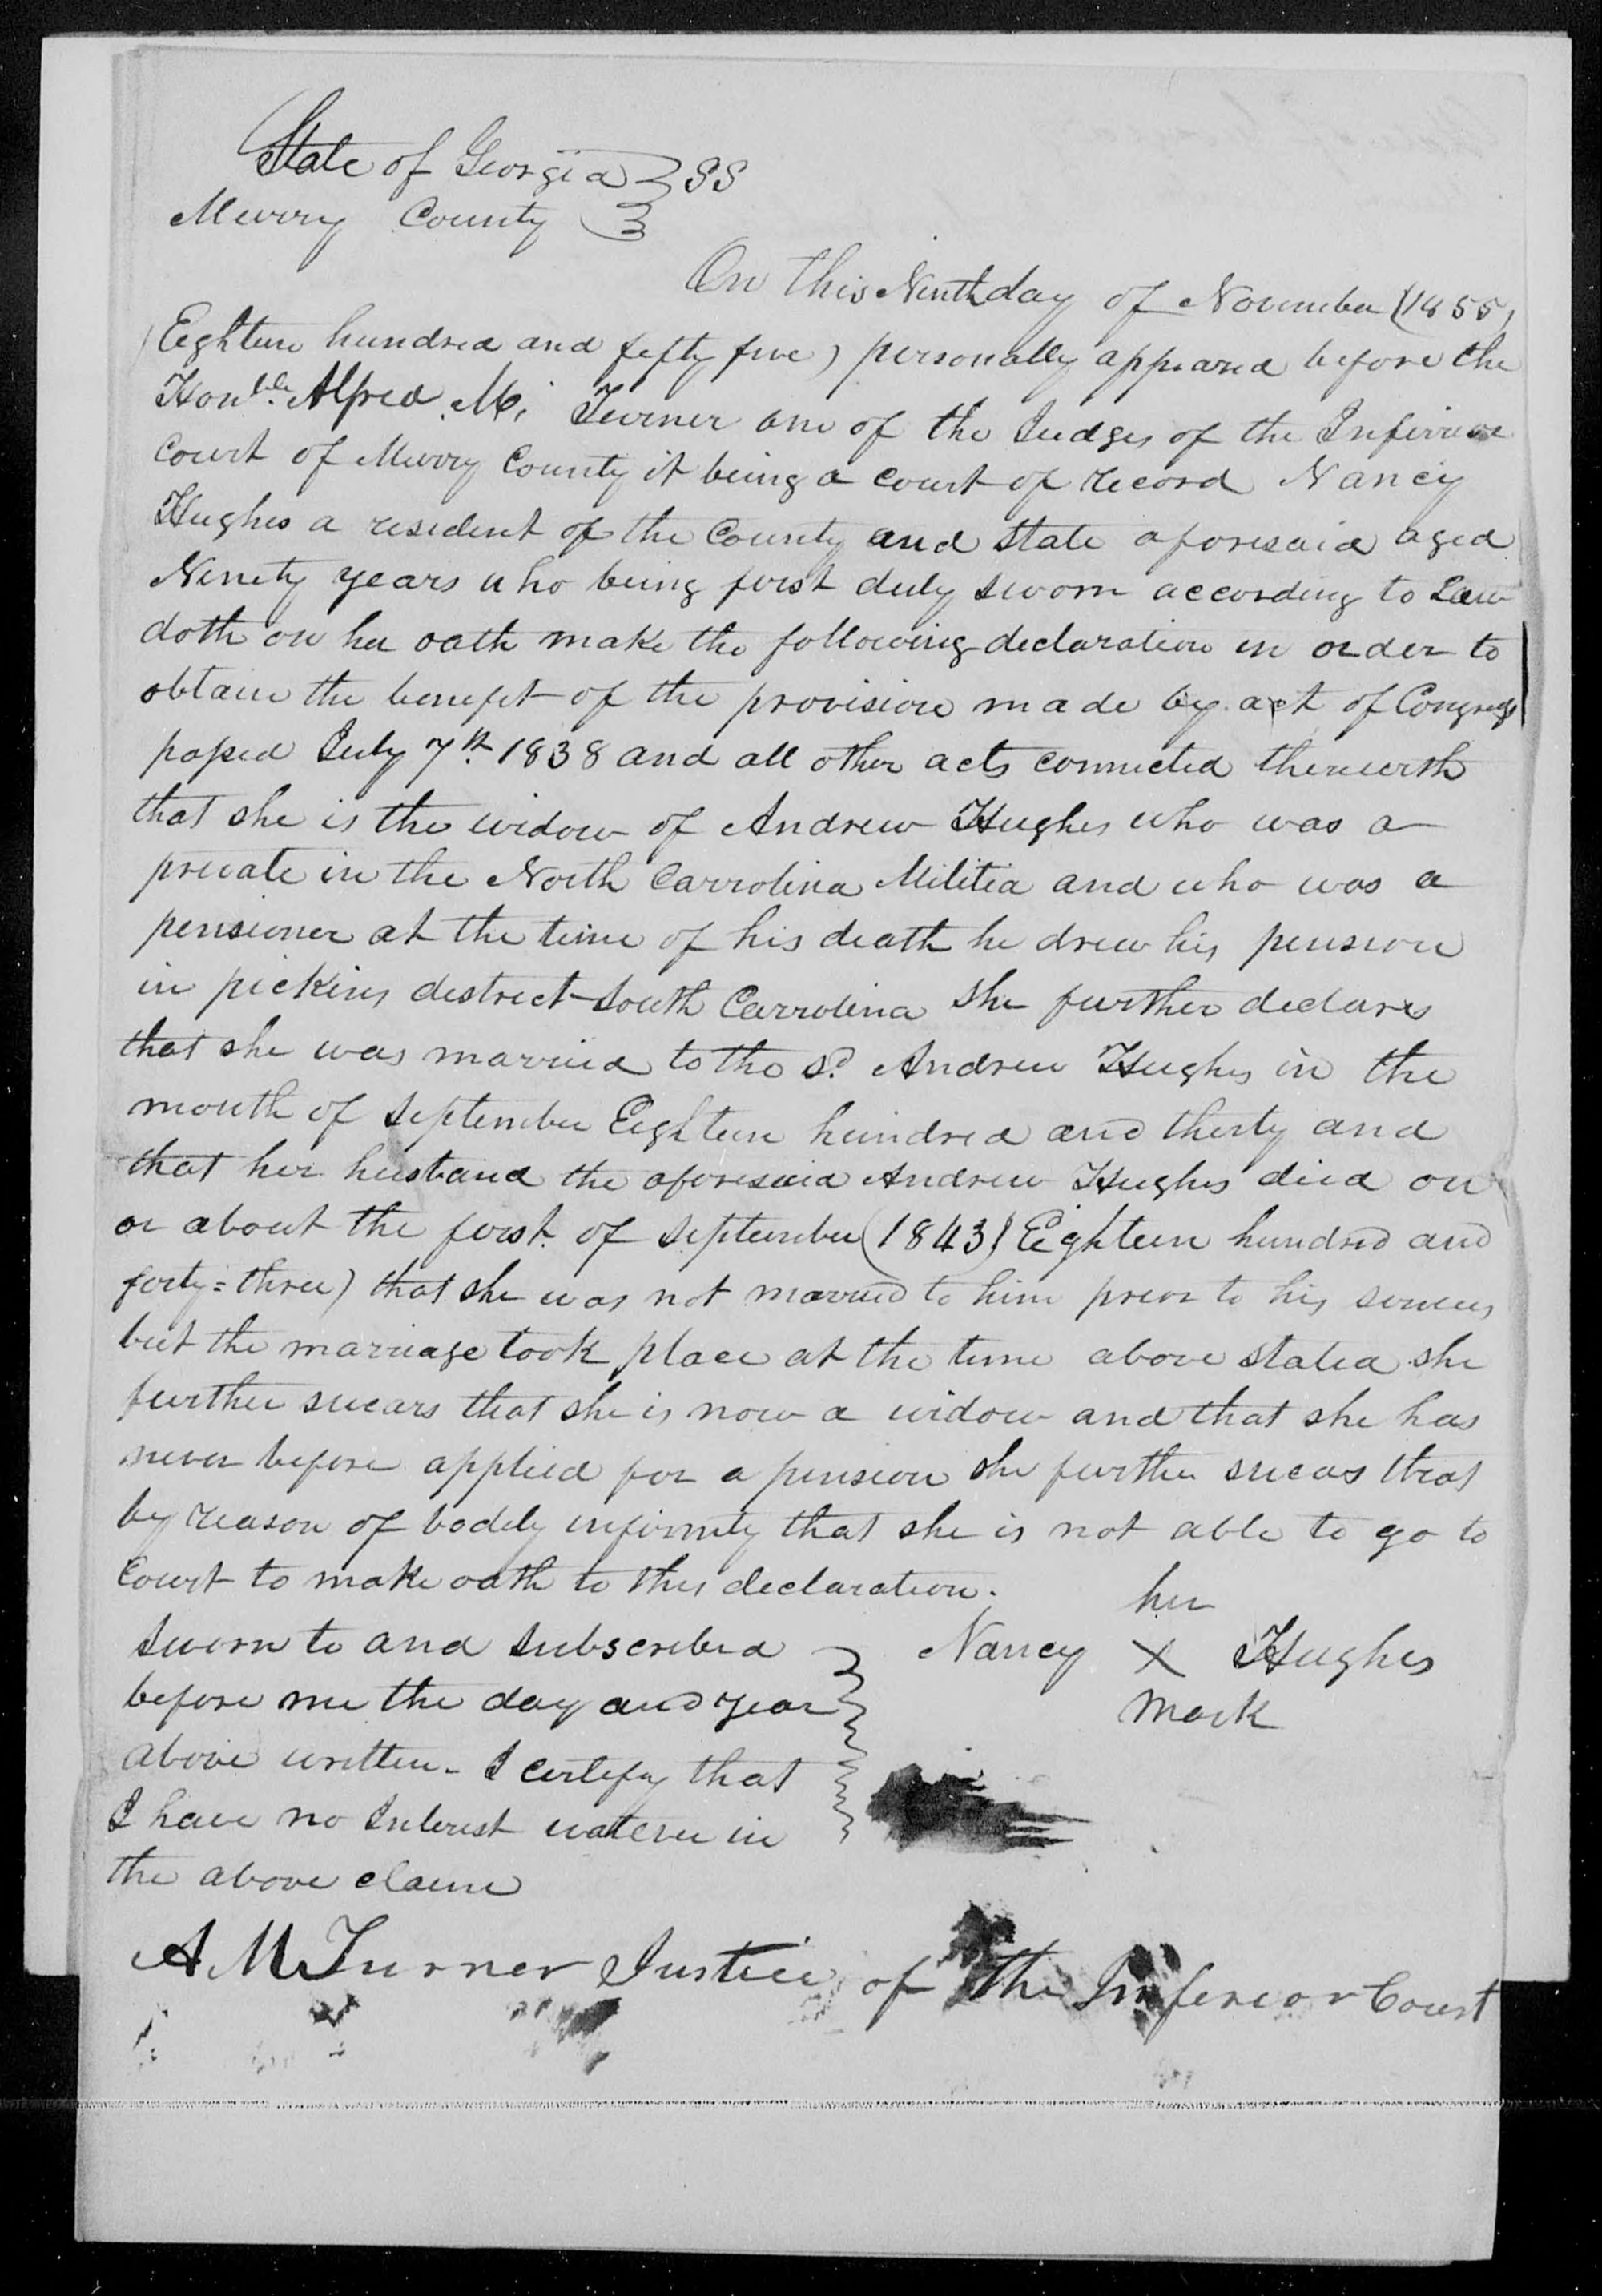State of Georgia
Murry County

On this Ninth day of November 1855, Eighteen hundred and fifty five, personally appeared before the Honorable Alfred M. Turner and one of the judges of the Inferior Court of Murry County if being a court of record Nancy Hughes a resident of the county and state aforesaid aged ninety years who bring first duly sworn according to Law doth on her oath make the following declaration in order to obtain the benefit of the provision made by act of Congress July 7th 1838 and all other acts connected therewith that she is the widow of Andrew Hughes who was a private in the North Carolina Militia and who was a pensioner at the time of his death he drew his pension in Pickins district South Carolina.  She further declares that she was married to this Andrew Hughes in the month of September Eighteen hundred and thirty and that her husband the aforesaid Andrew Hughes died on or about the first of September (1843 Eighteen hundred and forthy-three) that she was not married to him prior to his serves but the marriage took place at the time above stated. She further swears that she is now a widow and that she has never before applied for a pension. She further swears that by reason of bodily infirmity that she is not able to go to court to make oath to this declaration.

Nancy Hughes
X her mark

Sworn to and subscribed before me the day and year above written.  I certify that I have no interest whatever in the above claim.

A. M. Turner Justice of the Inferior Court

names: Andrew Hughes, Nancy Hughes, A M Turner, Alfred M Turner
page: 13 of 75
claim: widow's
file: W. 25805, Andrew Hughes, N.C.